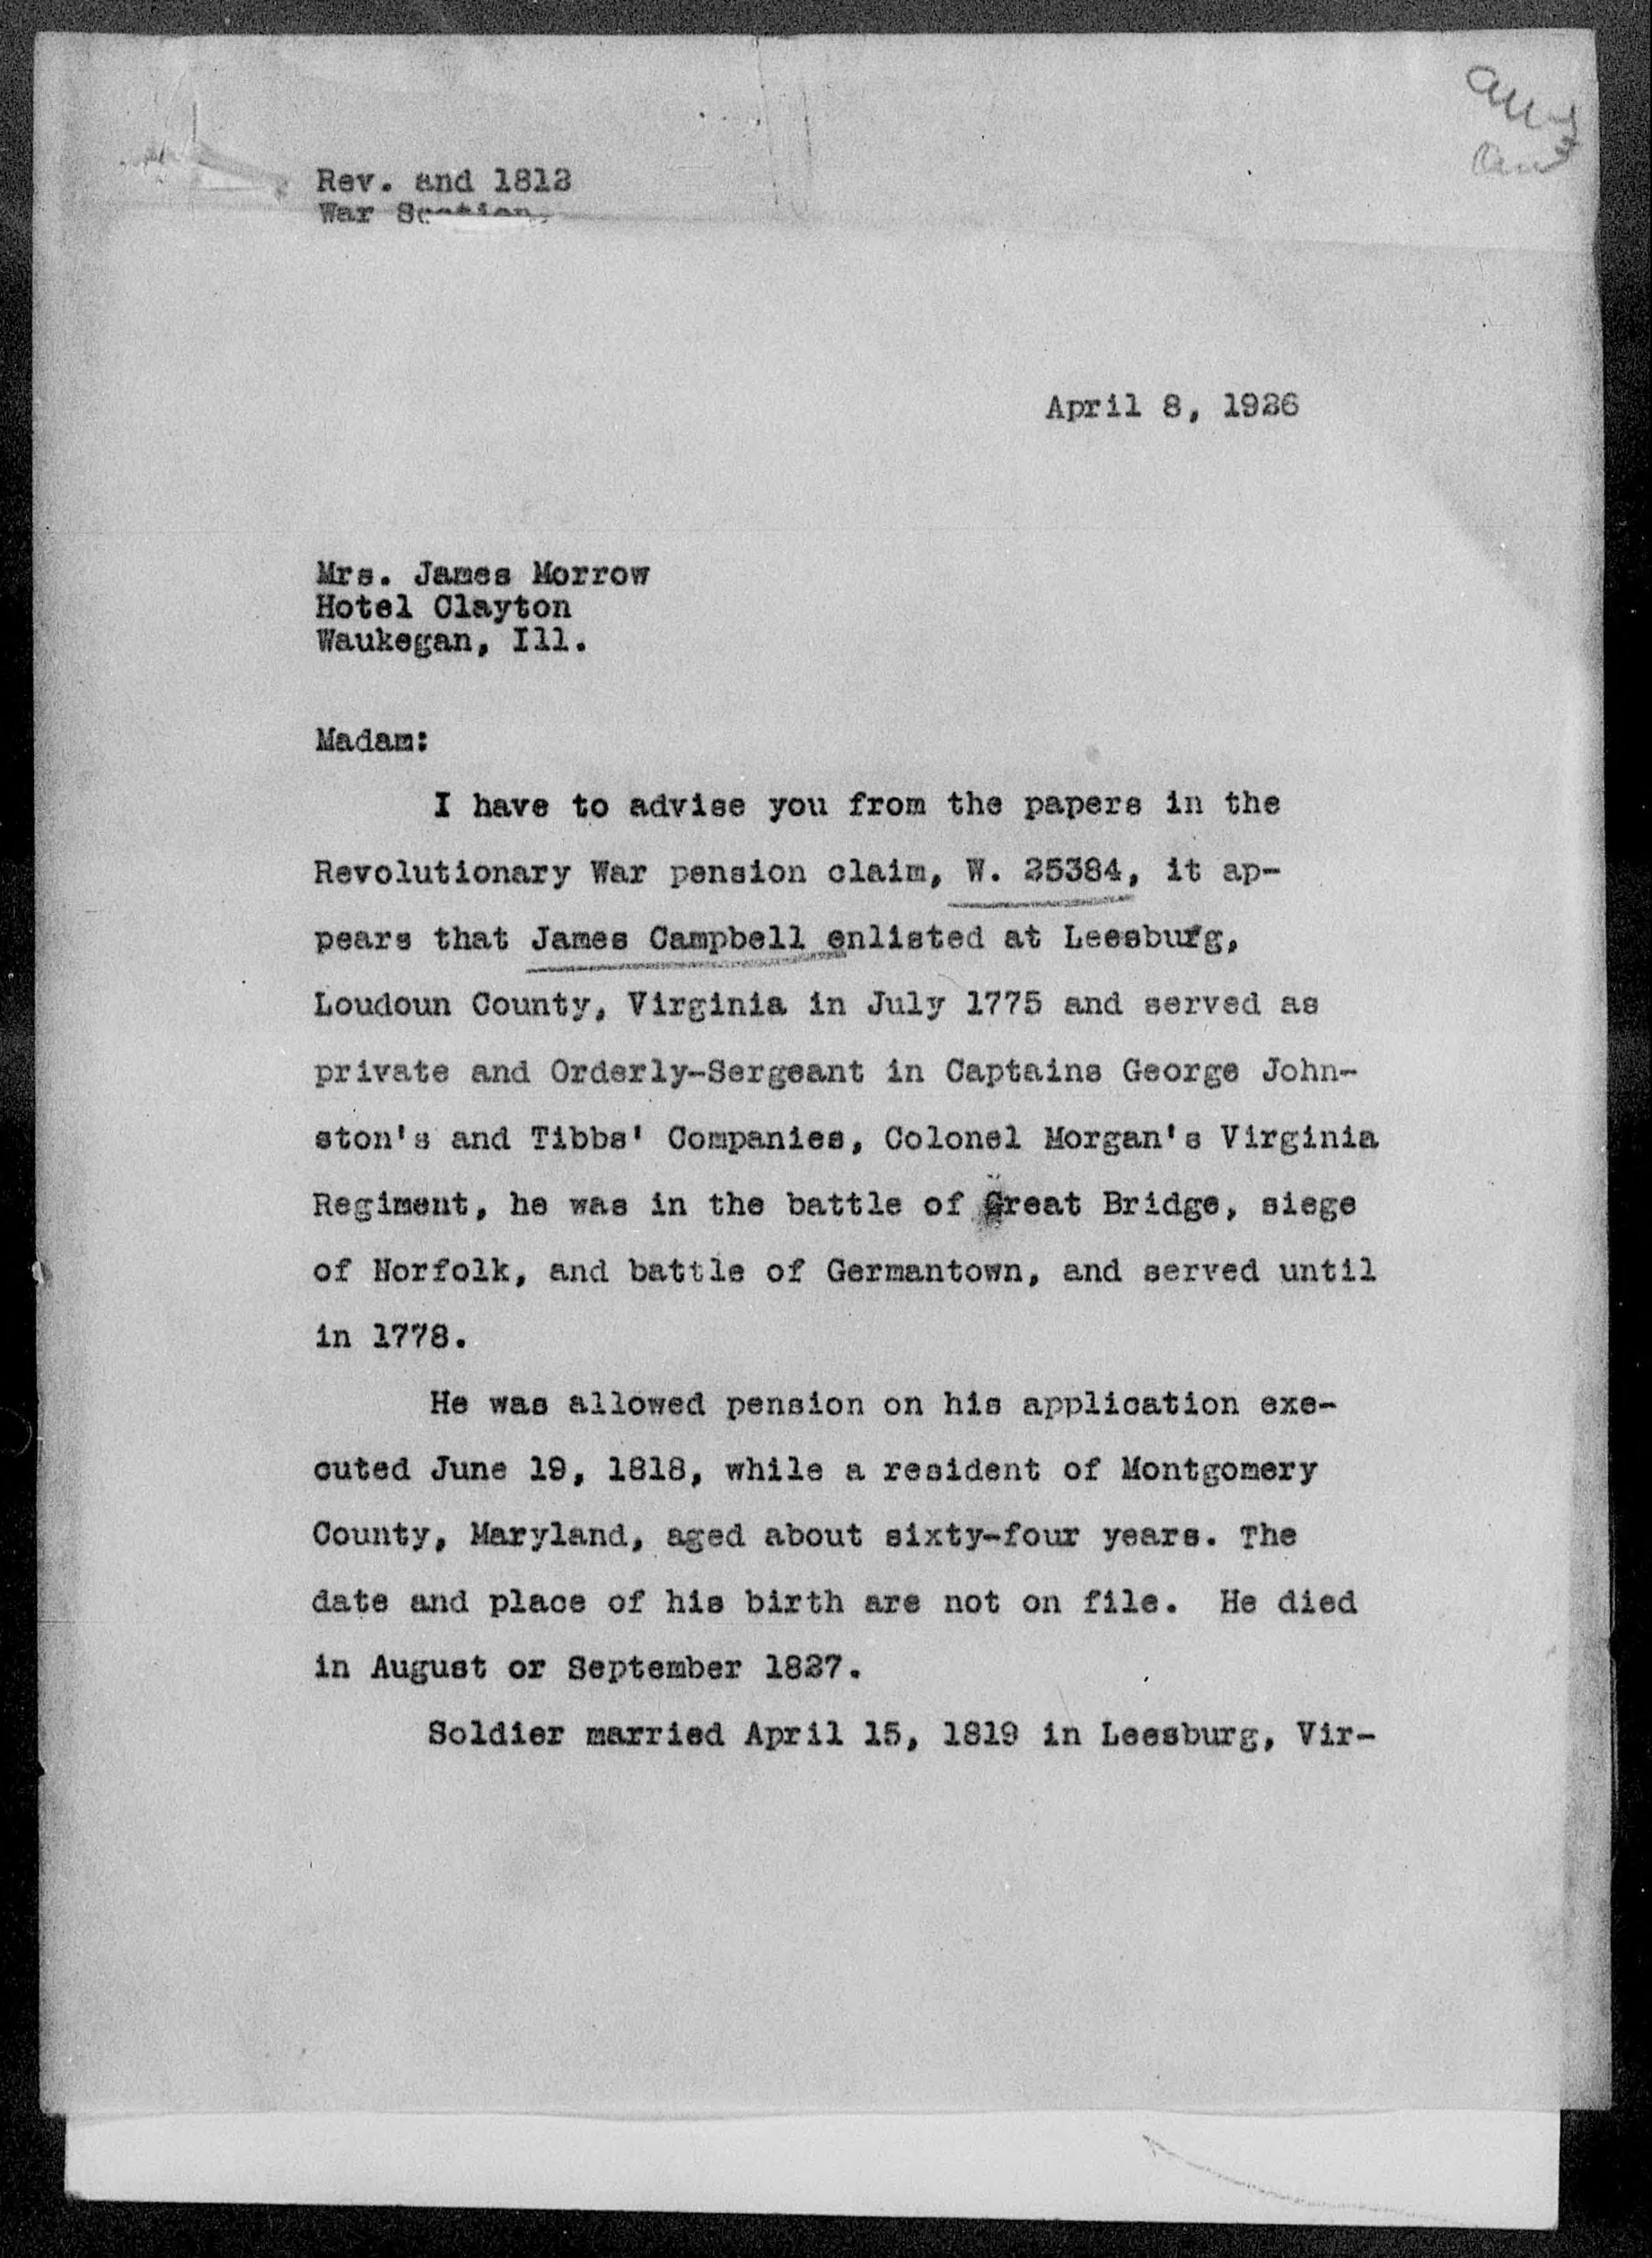Rev. and 1812
War Section
April 8, 1926
Mrs. James Morrow
Hotel Clayton
Waukegan, Ill.
Madam:
I have to advise you from the papers in the Revolutionary War pension claim, W. 25384, it appears that James Campbell enlisted at Leesburg, Loudoun County, Virginia in July 1775 and served as private and orderly-Sergeant in Captains George Johnston's and Tibbs' Companies, Colonel Morgan's Virginia Regiment, he was in the battle of Great Bridge, siege of Norfolk, and battle of Germantown, and served until in 1778. 
He was allowed pension on his application executed June 19, 1818, while a resident of Montgomery County, Maryland, aged about sixty-four years. The date and place of his birth are not on file. He died in August or September 1827.
Soldier married April 15, 1819 in Leesburg, Vir-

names: James Campbell, James Morrow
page: 20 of 47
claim: widow's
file: W. 25384, James Campbell, Va.